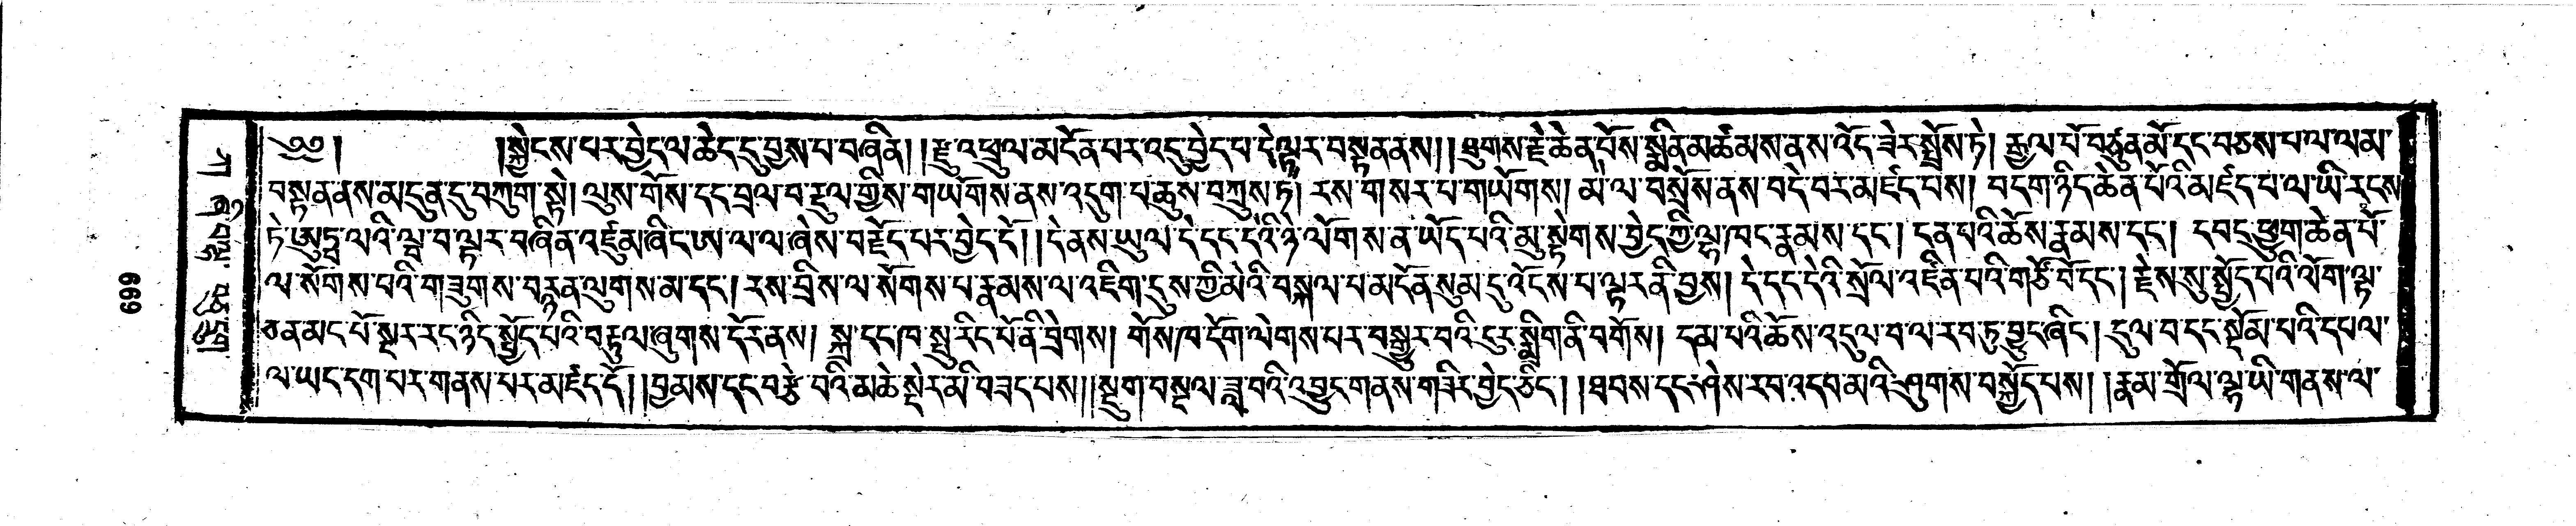༄༅། །སྐྱེངས་པར་བྱེད་ལ་ཆེད་དུ་བྱས་པ་བཞིན། །རྫུ་འཕྲུལ་མངོན་པར་འདུ་བྱེད་པ་དེ་ལྟར་བསྟན་ནས། །ཐུགས་རྗེ་ཆེན་པོས་སྨིན་མཚམས་ནས་འོད་ཟེར་སྤྲོས་ཏེ། རྒྱལ་པོ་བཙུན་མོ་དང་བཅས་པ་ལ་ལམ་
བསྟན་ནས་མདུན་དུ་བཀུག་སྟེ། ལུས་གོས་དང་བྲལ་བ་རྡུལ་གྱིས་གཡོགས་ནས་འདུག་པ་ཆུས་བཀྲུས་ཏེ། རས་གསར་པ་གཡོགས། མེ་ལ་བསྲོས་ནས་བདེ་བར་མཛད་པས། བདག་ཉིད་ཆེན་པོའི་མཛད་པ་ལ་ཡི་རངས་
ཏེ་ཨུཏྤ་ལའི་ཝ་བ་ལྟར་བཞིན་འཛུམ་ཞིང་ཨ་ལ་ལ་ཞེས་བརྗོད་པར་བྱེད་དོ། །དེ་ནས་ཡུལ་དེ་དང་དེའི་ཉེ་ལོགས་ན་ཡོད་པའི་མུ་སྟེགས་བྱེད་ཀྱི་ལྷ་ཁང་རྣམས་དང་། ངན་པའི་ཆོས་རྣམས་དང་། དབང་ཕྱུག་ཆེན་པོ་
ལ་སོགས་པའི་གཟུགས་བརྙན་ལུགས་མ་དང་། རས་བྲིས་ལ་སོགས་པ་རྣམས་ལ་འཇིག་དུས་ཀྱི་མེའི་བསྐལ་པ་མངོན་སུམ་དུ་འོངས་བ་ལྟར་ནི་བྱས། དེ་དང་དེའི་སྲོལ་འཛིན་པའི་གཙོ་བོ་དང་། རྗེས་སུ་སྤྱོད་པའི་ལོག་ལྟ་
ཅན་མང་པོ་སྔར་རང་ཉིད་སྤྱོད་པའི་བརྟུལ་ཞུགས་དོར་ནས། སྐྲ་དང་ཁ་སྤུ་རིང་པོ་ནི་བྲེགས། གོས་ཁ་དོག་ལེགས་པར་བསྒྱུར་བའི་ངུར་སྨྲིག་ནི་བགོས། དམ་པའི་ཆོས་འདུལ་བ་ལ་རབ་ཏུ་བྱུང་ཞིང་། དུལ་བ་དང་སྡོམ་པའི་དཔལ་
ལ་ཡང་དག་པར་གནས་པར་མཛད་དོ། །བྱམས་དང་བརྩེ་བའི་མཆེ་སྡེར་མི་བཟད་པས། །སྡུག་བསྔལ་ཟླ་བའི་འབྱུང་གནས་གཟིར་བྱེད་ཅིང་། །ཐབས་དང་ཤེས་རབ་འདབ་མའི་ཤུགས་བསྐྱོད་པས། །རྣམ་གྲོལ་ལྷ་ཡི་གནས་ལ་